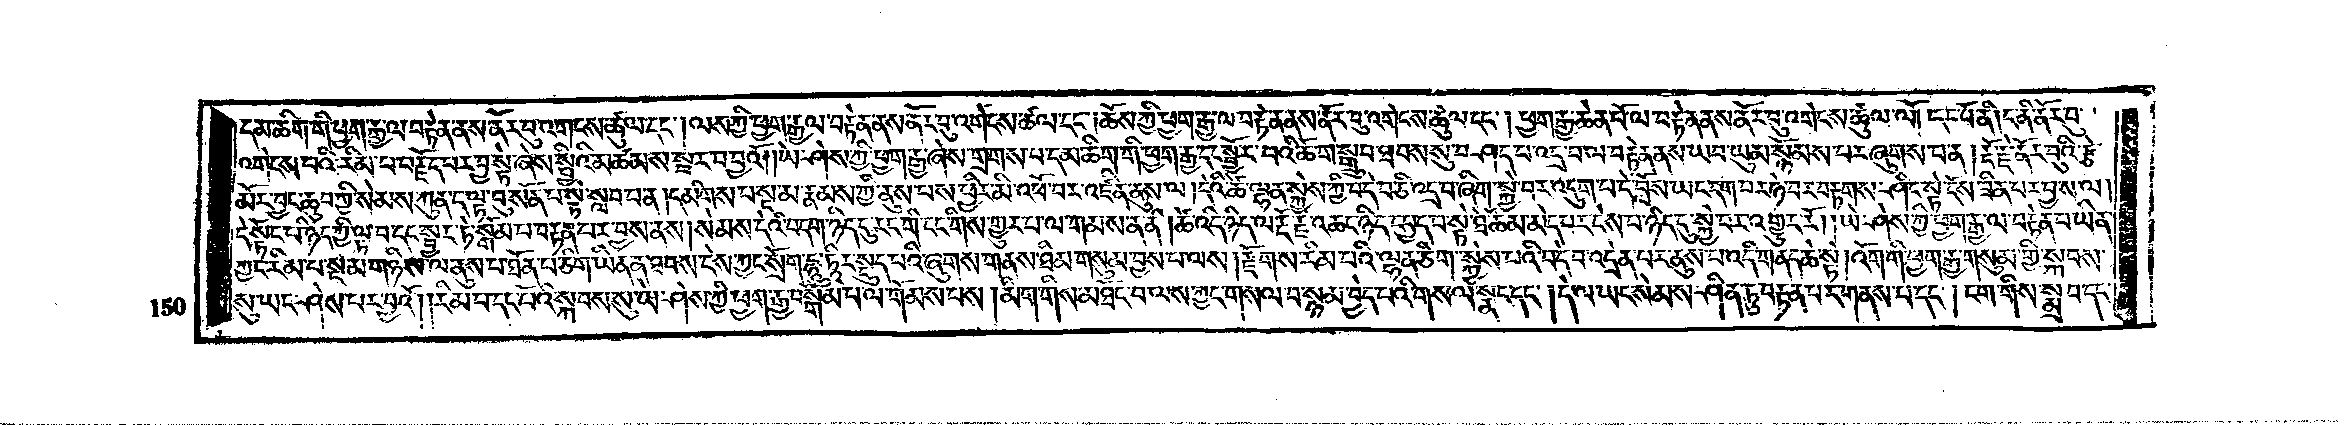དམ་ཚིག་གི་ཕྱག་རྒྱ་ལ་བརྟེན་ནས་ནོར་བུ་འགེངས་ཚུལ་དང་། ལས་ཀྱི་ཕྱག་རྒྱལ་བརྟེན་ནས་ནོར་བུ་འགེངས་ཚུལ་དང་། ཆོས་ཀྱི་ཕྱག་རྒྱ་ལ་བརྟེན་ནས་ནོར་བུ་འགེངས་ཚུལ་དང་། ཕྱག་རྒྱ་ཆེན་པོ་ལ་བརྟེན་ནས་ནོར་བུ་འགེངས་ཚུལ་ལོ། །དང་པོ་ནི། ད་ནི་ནོར་བུ་
འགེངས་པའི་རིམ་པ་བརྗོད་པར་བྱ་སྟེ་ཞེས་སྤྱིའི་མཚམས་སྦར་བ་བྱའོ། །ཡེ་ཤེས་ཀྱི་ཕྱག་རྒྱ་ཞེས་གྲགས་པ་དམ་ཚིག་གི་ཕྱག་རྒྱ་དང་སྦྱོར་བའི་ཆོ་ག་སྒྲུབ་ཐབས་སུ་བཤད་པ་འདྲ་བ་ལ་བརྟེན་ནས་ཡབ་ཡུམ་སྙོམས་པར་ཞུགས་པ་ན། རྡོ་རྗེ་ནོར་བུའི་རྩེ་
མོར་བྱང་ཆུབ་ཀྱི་སེམས་ཀུན་དེ་ལྟ་བུ་སོན་པ་སྟེ་སླབ་པ་ན། དམིགས་པ་སྔ་མ་རྣམས་ཀྱི་ནུས་པས་ཕྱིར་མི་འཕོ་བར་འཛིན་ནུས་ལ། དེའི་ཚེ་ལྷན་སྐྱེས་ཀྱི་བདེ་བ་ཅི་འདྲ་བ་ཞིག་སྐྱེ་བར་འདུག་པ་དེ་བློས་ཡང་དག་པར་ཉེ་བར་བརྟགས་ཤིང་སྟེ་ངོས་ཟིན་པར་བྱས་ལ།
དེ་སྟོང་པ་ཉིད་ཀྱི་ལྟ་བ་དང་སྦྱར་ཏེ་སྒོམ་པ་བརྟན་པར་བྱས་ནས། སེམས་དེའི་བདག་ཉིད་དུ་རང་གི་ངང་གིས་གྱུར་པ་ལ་གོམས་ན་ནི། ཚེ་འདི་ཉིད་ལ་རྡོ་རྗེ་འཆང་ཉིད་དཔྱད་པ་སྟེ་ཐེ་ཚོམ་མེད་པར་དེས་པ་ཉིད་དུ་སྐྱེ་བར་འགྱུར་རོ། །ཡེ་ཤེས་ཀྱི་ཕྱག་རྒྱ་ལ་བརྟེན་པ་ཡིན་
ཀྱང་རིམ་པ་སྔ་མ་གཉིས་ལ་ནུས་པ་ཐོན་པ་ཅིག་ཡིན་ན་ཐབས་དེས་ཀྱང་སྲོག་དྷཱུ་ཏཱིར་སྡུད་པའི་ཞུགས་གནས་ཐིམ་གསུམ་བྱས་པ་ལས། རྫོགས་རིམ་པའི་ལྷན་ཅིག་སྐྱེས་པའི་བདེ་བ་འདྲེན་པར་ནུས་པ་འདི་གནད་ཆེ་སྟེ། འོག་གི་ཕྱག་རྒྱ་གསུམ་གྱི་སྐབས་
སུ་ཡང་ཤེས་པར་བྱའོ། །རིམ་པ་དང་པོའི་སྐབས་སུ་ཡེ་ཤེས་ཀྱི་ཕྱག་རྒྱ་བསྒོམ་པ་ལ་གོམས་པས། མིག་གིས་མཐོང་བ་ལས་ཀྱང་གསལ་བ་སྙམ་བྱེད་པའི་གསལ་སྣང་དང་། དེ་ལ་ཡང་སེམས་ཤིན་ཏུ་བརྟན་པར་གནས་པ་དང་། དག་གིས་སྨྲ་བ་དང་